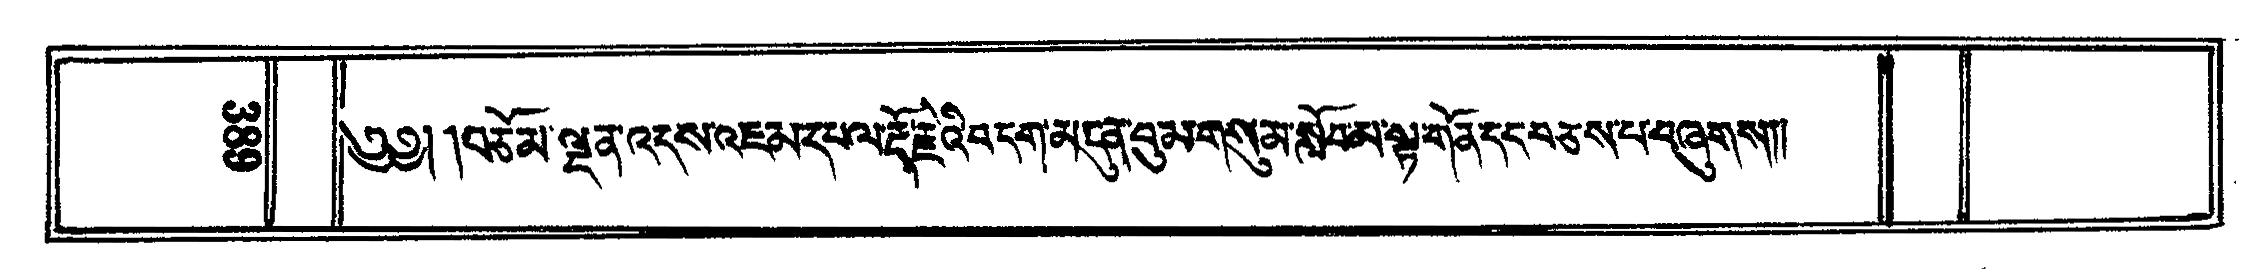༄༅། །བཅོམ་ལྡན་འདས་འཇམ་དཔལ་རྡོ་རྗེའི་བདག་མདུན་བུམ་གསུམ་སློབ་མ་སྟ་གོན་དང་བཅས་པ་བཞུགས།།